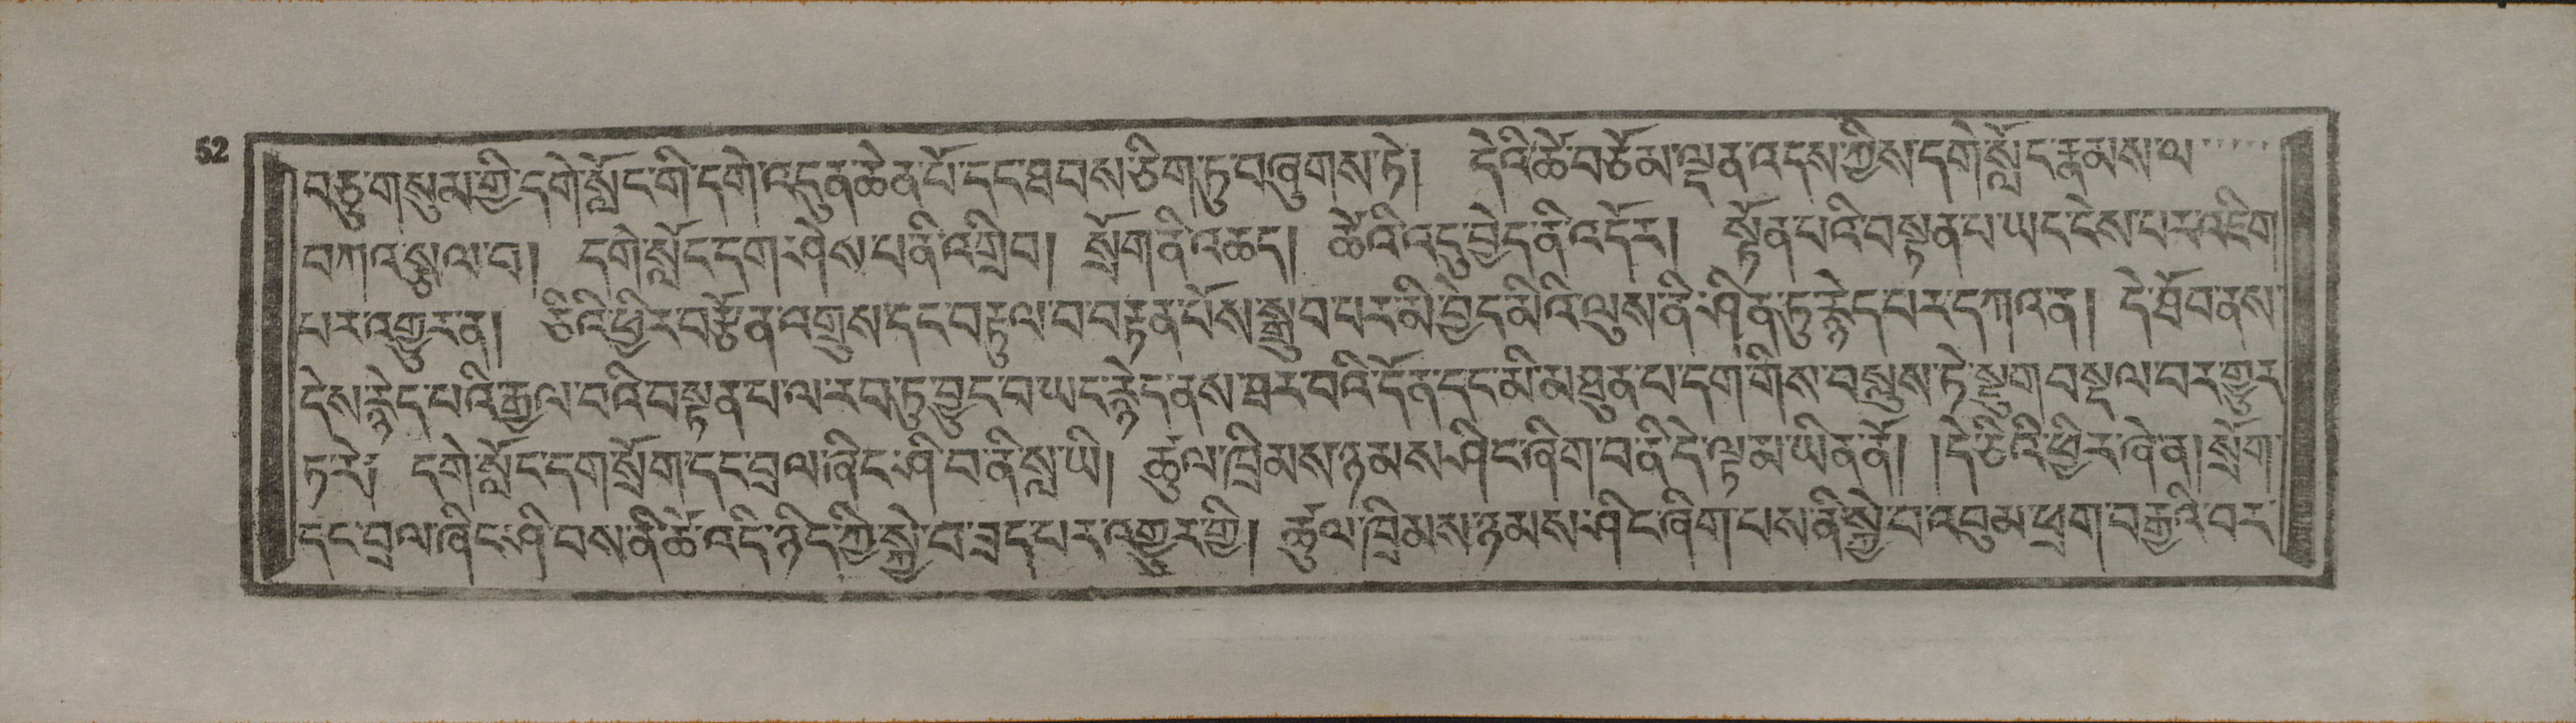བཅུ་གསུམ་གྱི་དགེ་སློང་གི་དགེ་འདུན་ཆེན་པོ་དང་ཐབས་གཅིག་ཏུ་བཞུགས་ཏེ། དེའི་ཚེ་བཅོམ་ལྡན་འདས་ཀྱིས་དགེ་སློང་རྣམས་ལ་
བཀའ་སྩལ་བ། དགེ་སློང་དག་ཤེས་པ་ནི་འགྲིབ། སྲོག་ནི་འཆད། ཚེའི་འདུ་བྱེད་ནི་འདོར། སྟོན་པའི་བསྟན་པ་ཡང་ངེས་པར་འཇིག་
པར་འགྱུར་ན། ཅིའི་ཕྱིར་བརྩོན་འགྲུས་དང་བརྟུལ་བ་བརྟན་པོས་སྒྲུབ་པར་མི་བྱེད་མིའི་ལུས་ནི་ཤིན་ཏུ་རྙེད་པར་དཀའ་ན། དེ་ཐོབ་ནས་
དེས་རྙེད་པའི་རྒྱལ་བའི་བསྟན་པ་ལ་རབ་ཏུ་བྱུང་བ་ཡང་རྙེད་ནས་ཐར་བའི་དོན་དང་མི་མཐུན་པ་དག་གིས་བསླུས་ཏེ་སྡུག་བསྔལ་བར་གྱུར་
ཏ་རེ། དགེ་སློང་དག་སྲོག་དང་བྲལ་ཞིང་ཤི་བ་ནི་སླ་ཡི། ཚུལ་ཁྲིམས་ཉམས་ཤིང་ཞིག་པ་ནི་དེ་ལྟ་མ་ཡིན་ནོ། །དེ་ཅིའི་ཕྱིར་ཞེ་ན། སྲོག་
དང་བྲལ་ཞིང་ཤི་བས་ནི་ཚེ་འདི་ཉིད་ཀྱི་སྐྱེ་བ་ཟད་པར་འགྱུར་གྱི། ཚུལ་ཁྲིམས་ཉམས་ཤིང་ཞིག་པས་ནི་སྐྱེ་བ་འབུམ་ཕྲག་བརྒྱའི་བར་